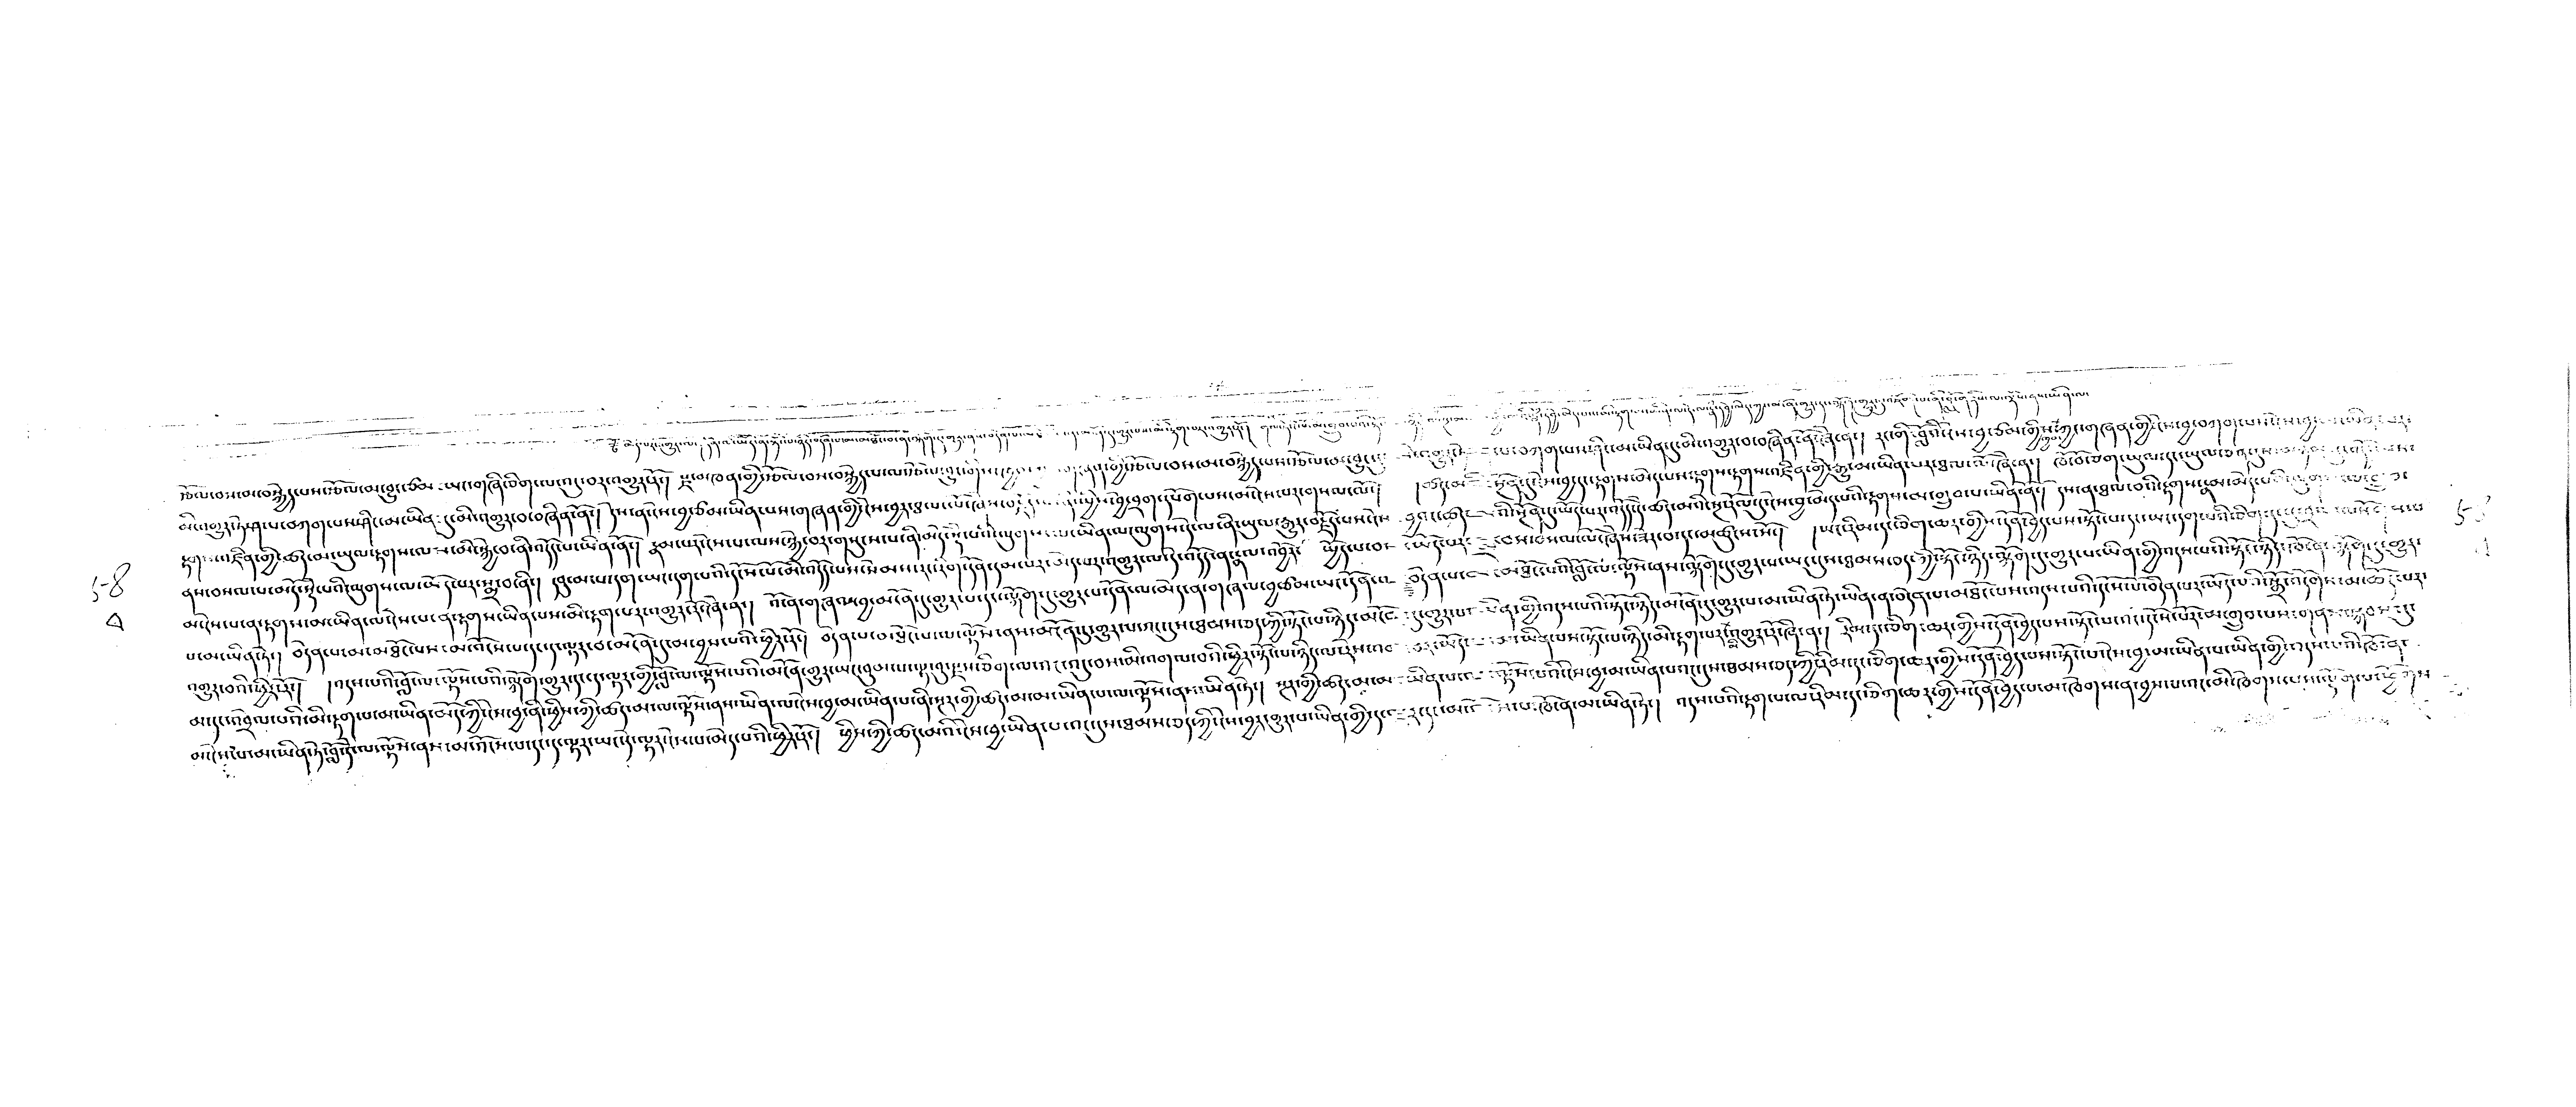རྩོལ་བས་མ་བསྐྱེད་པས་རྩོལ་མ་བྱུང་ཙམ་ཡང་གཞི་ཅིག་ལ་འདུ་བར་འགྱུར་རོ། རྫ་མཁན་གྱི་རྩོལ་བས་བསྐྱེད་པ་ལ་རྩོལ་བྱུང་གིས་ཁྱབ་?་གཞན་གྱི་རྩོལ་བས་མ་བསྐྱེད་པས་རྩོལ་མ་བྱུང་དུ་མི?་འགྱུར་ཏེ། ?་བཀག་པས་ཤིང་མ་ཡིན་དུ་མི་འགྱུར་བ་བཞིན་ནོ་ཞེ་ན། རང་གི་བློའི་ངེས་བྱ་ཙམ་གྱིས་ཁྱབ་ཀྱང་གཞན་གྱི་ངེས་བྱ་བཀག་པས་ངེས་བྱ་མ?་ཡིན་པར་
མི་འགྱུར་ཏེ་ཤ་པ་བཀག་པས་ཤིང་མ་ཡིན་དུ་མི་འགྱུར་བ་བཞིན་ནོ། དེས་ན་ངེས་བྱ་ཙམ་ཡིན་པས་གཞན་གྱི་ངེས་བྱར་ཐལ་ལོ་ཞེས་བརྗོད་པ་ནི་སྤྱིས་བྱེ་བྲག་དཔོག་པས་མ་ངེས་པར་གསལ་ལོ། །ཚད་མའི་སྔོན་དུ་ངེས་བྱ་དང་རྟགས་མེད་པས་རྟགས་རྟགས་འཛིན་གྱི་རྒྱུ་མ་ཡིན་པར་ཐལ་ལོ་ཞེ་ན། ཁོ་བོ་ཅག་ཡུལ་དང་ཡུལ་ཅན་དུས་མཉམ་དུ་འདོད་པས?
རྟགས་འཛིན་གྱི་ཚད་མ་ཡུལ་རྟགས་ལས་མི་སྐྱེ་བ་ནི་འདོད་པ་ཡིན་ནོ། རྣམ་པར་ངེས་པ་ལས་སྐྱེ་བར་གསུངས་པ་ནི་མདོ་སྡེ་པའི་ལུགས་ལ་ཡིན་ལ་ལུགས་དེ་ལ་ནི་ཡུལ་རྒྱུར་བརྗོད་པས་ངེས་བྱའང་ཚད་མའི་སྔོན་དུ་ཡོད་པར་འདོད་དེ་ཚད་མའི་སྔ་རོལ་དུ་ངེས་བྱ་མེད་པའི་རྟགས་མ་གྲུབ་པ་ཡིན་ནོ། དེས་ན་ཐལ་བའི་རྟགས་རྣམ་མེད་པའི་?་?
ནས་བསལ་པ་མདོ་སྡེ་པའི་ལུགས་ལ་ཡོད་པར་སྨྲ་བ་ནི། དབུ་མ་པ་དག་ཡང་དག་པའི་དངོས་པོ་མི་འདོད་པས་སེམས་རང་རིག་དོན་དམ་པར་མེད་པར་འགྱུར་ལ་དེ་འདོད་ན་རྣལ་འབྱོར་སྤྱོད་པ་?་ཡོད་པར་སྨྲ་བས་བསལ་ལོ་ཞེས་ཟེར་བ་དང་མཚུངས་སོ། །ཡང་རིམ་དང་ཅིག་ཆར་གྱིས་དོན་བྱེད་པས་སྟོང་པ་དང་ཡང་དག་པའི་ཅིག་དང་དུ་བྲལ་ལ་སོགས་པ་
མ་ངེས་པ་ན་རྟགས་མ་ཡིན་ལ་ངེས་པ་ན་རྟགས་ཡིན་པས་མི་རྟག་པར་འགྱུར་རོ་ཞེ་ན། འོ་ན་གཞལ་བྱ་མངོན་དུ་གྱུར་པ་དང་ལྐོག་དུ་གྱུར་པ་དོན་ལ་མེད་ན་གཞལ་བྱ་ཙམ་ཡང་དོན་?་བདེན་པ་མ་མཐོང་པའི་བློ་ལ་ལྟོས་ནས་ལྐོག་དུ་གྱུར་པ་ཡང་དུས་ཐམས་ཅད་ཀྱི་སྟོང་ཉིད་ལྐོག་དུ་གྱུར་པ་ཡིན་གྱི་འདས་པའི་སྟོང་ཉིད་ཁོ་ན་ལྐོག་དུ་གྱུར་
པ་མ་ཡིན་ཏེ། བདེན་པ་མ་མཐོང་པས་མ་འོངས་པ་དང་ད་ལྟར་བ་མངོན་དུ་མ་བྱས་པའི་ཕྱིར་རོ། བདེན་པ་མཐོང་པ་ལ་ལྟོས་ནས་མངོན་དུ་གྱུར་པ་འང་དུས་ཐམས་ཅད་ཀྱི་སྟོང་པ་ཉིད་མངོན་དུ་གྱུར་པ་ཡིན་གྱི་འདས་པའི་སྟོང་ཉིད་མངོན་དུ་གྱུར་པ་མ་ཡིན་ཏེ་ཡིན་ན་བདེན་པ་མཐོང་པས་འདས་པའི་དངོས་པོ་བདེན་པར་ཡོད་པའི་སྒྲོ་འདོགས་མ་ཆོད་པར་
འགྱུར་བའི་ཕྱིར་རོ། །འདས་པའི་བློ་ལ་ལྟོས་པའི་ལྐོག་གྱུར་དང་ད་ལྟར་གྱི་བློ་ལ་ལྟོས་པའི་མངོན་གྱུར་ཡང་བུམ་པ་ལྟ་བུ་རྫས་ཅིག་ལ་འང་འདུ་བས་མི་འགལ་བའི་ཕྱིར་སྟོང་པ་ཉིད་ལ་རེས་འགལ་བར་ཡོད་པ་མ་ཡིན་པས་སྟོང་པ་ཉིད་མི་རྟག་པར་མི་འགྱུར་རོ་ཞེ་ན། རིམ་དང་ཅིག་ཆར་གྱིས་དོན་བྱེད་པས་སྟོང་པ་འང་དངོས་པོར་མ་གྲུབ་པས་གནས་སྐབས་དུ་
མ་དང་འབྲེལ་པའི་མི་རྟག་པ་མ་ཡིན་མོད་ཀྱི་ངེས་བྱ་ནི་ཕྱིས་ཀྱི་ཚད་མ་ལ་ལྟོས་ནས་ཡིན་ལ་ངེས་བྱ་མ་ཡིན་པ་ནི་སྔར་གྱི་ཚད་མ་མ་ཡིན་པ་ལ་ལྟོས་ནས་ཡིན་ཏེ། སྔར་གྱི་ཚད་མ་མ་ཡིན་པ་ལ་ལྟོས་པའི་ངེས་བྱ་མ་ཡིན་པའང་དུས་ཐམས་ཅད་ཀྱི་རིམ་དང་ཅིག་ཆར་གྱིས་དོན་བྱེད་པས་སྟོང་པ་ངེས་བྱ་མ་ཡིན་པ་ཡིན་གྱི་འདས་པའི་ཁོ་ན་
མ་ངེས་པ་མ་ཡིན་ཏེ་བློ་དེ་ལ་ལྟོས་ནས་མ་འོངས་པ་དང་ད་ལྟར་ཡང་དེ་ལྟར་ངེས་པ་མེད་པའི་ཕྱིར་རོ། ཕྱིས་ཀྱི་ཚད་མའི་ངེས་བྱ་ཡིན་པ་འང་དུས་ཐམས་ཅད་ཀྱི་ངེས་བྱར་གྱུར་པ་ཡིན་གྱི་ད་ལྟར་དང་མ་འོངས་པ་ཁོ་ན་མ་ཡིན་ཏེ། འདས་པའི་རྟག་པ་ལ་རིམ་དང་ཅིག་ཆར་གྱིས་དོན་བྱེད་པ་མ་ཁེགས་ན་བྱས་པ་འང་མི་ཁེགས་པས་ལྡོག་པ་ཕྱོགས་